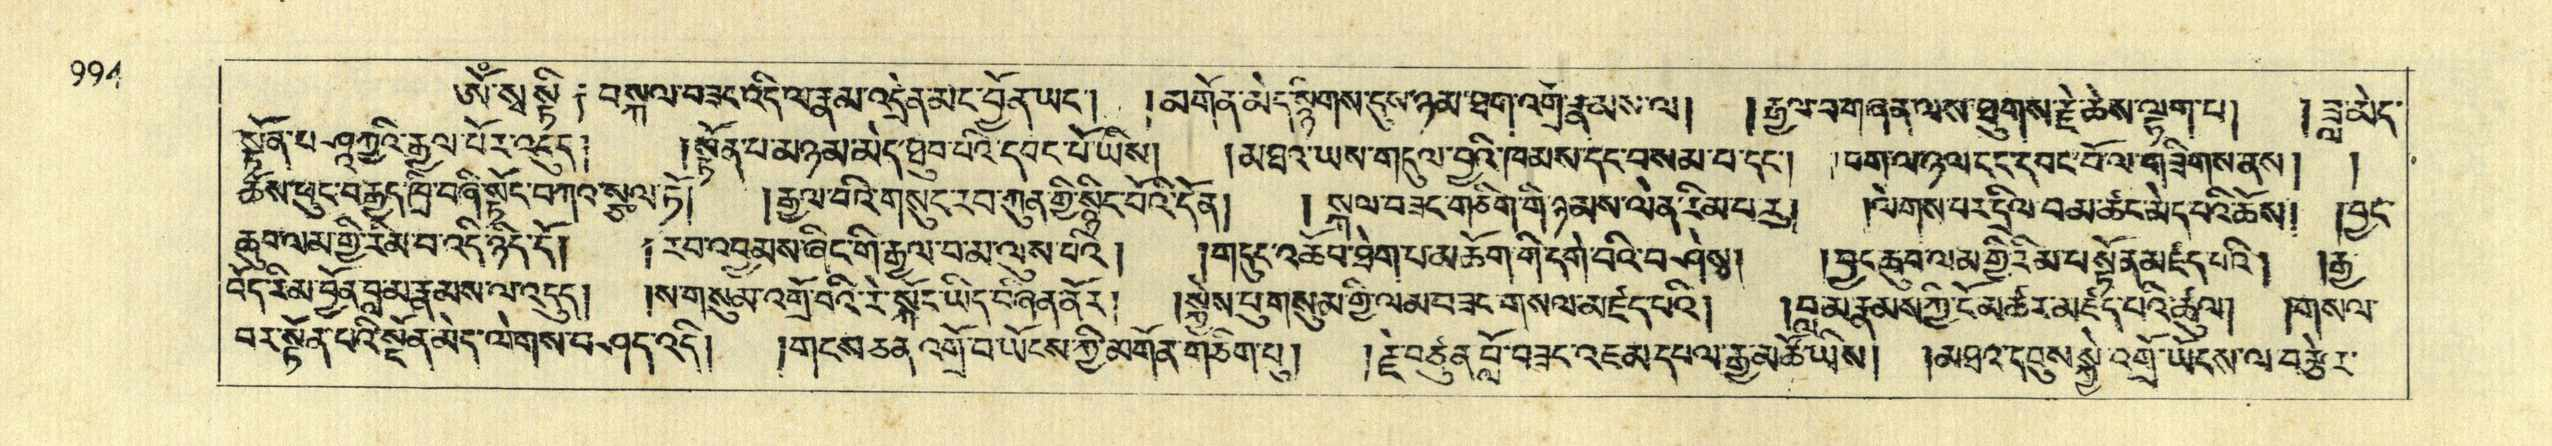ཨོཾ་སྟྭ་སྟི༑ བསྐལ་བཟང་འདི་ལ་རྣམ་འདྲེན་མང་བྱོན་ཡང་། །མགོན་མེད་སྙིགས་དུས་ཉམ་ཐག་འགྲོ་རྣམས་ལ། །རྒྱལ་བ་གཞན་ལས་ཐུགས་རྗེ་ཆེས་ལྷག་པ། །ཟླ་མེད་
སྟོན་པ་ཤཱཀྱའི་རྒྱལ་པོར་འདུད། །སྟོན་པ་མཉམ་མེད་ཐུབ་པའི་དབང་པོ་ཡིས། །མཐའ་ཡས་གདུལ་བྱའི་ཁམས་དང་བསམ་པ་དང་། །བག་ལ་ཉལ་དང་དབང་པོ་ལ་གཟིགས་ནས། །
ཆོས་ཕུང་བརྒྱད་ཁྲི་བཞི་སྟོང་བཀའ་སྩལ་ཏོ། །རྒྱལ་བའི་གསུང་རབ་ཀུན་གྱི་སྙིང་བོའི་དོན། །སྐལ་བཟང་གཅིག་གི་ཉམས་?ལེན་རིམ་པ་རུ། །ལེགས་པར་དྲིལ་བམ་ཚང་མེད་པའི་ཆོས། །བྱང་
ཆུབ་ལམ་གྱི་རིམ་བ་འདི་ཉིད་དོ། །རབ་འབྱམས་ཞིང་གི་རྒྱལ་བ་མ་ལུས་པའི། །གདུང་འཆོབ་ཐེག་པ་མཆོག་གི་དགེ་བའི་བཤེས། །བྱང་ཆུབ་ལམ་གྱི་རིམ་པ་སྟོན་མཛད་པའི། །རྒྱ་
བོད་རིམ་བྱོན་བླ་མ་རྣམས་ལ་འདུད། །ས་གསུམ་འགྲོ་བའི་རེ་སྐོང་ཡིད་བཞིན་ནོར། །སྐྱེས་པུ་གསུམ་གྱི་ལམ་བཟང་གསལ་མཛད་པའི། །བླ་མ་རྣམས་ཀྱི་ངོ་མཚར་མཛད་པའི་ཚུལ། །གསལ་
བར་སྟོན་པའི་སྔོན་མེད་ལེགས་བཤད་འདི། །གངས་ཅན་འགྲོ་བ་ཡོངས་ཀྱི་མགོན་གཅིག་པུ། །རྗེ་བཙུན་བློ་བཟང་འཇམ་དཔལ་རྒྱ་མཚོ་ཡིས། །མཐའ་དབུས་སྐྱེ་འགྲོ་ཡོངས་ལ་བརྩེར་